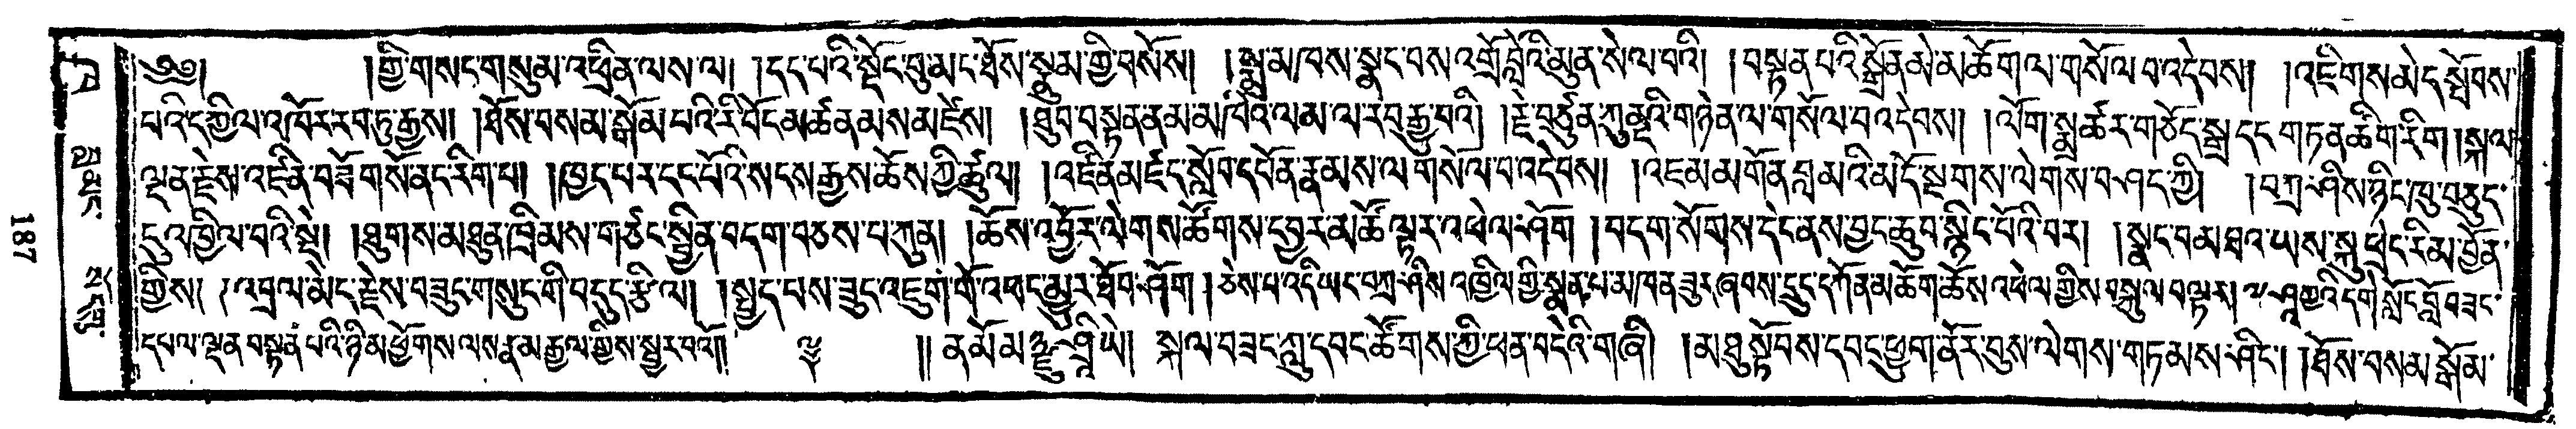༄༅། །གྱི་གསང་གསུམ་འཕྲིན་ལས་ལ། །དད་པའི་སྡོང་བུ་མང་ཐོས་སྣུམ་གྱི་བསོས། །སྨྲ་མཁས་སྣང་བས་འགྲོ་བློའི་མུན་སེལ་བའི། །བསྟན་པའི་སྒྲོན་མེ་མཆོག་ལ་གསོལ་བ་འདེབས། །འཇིགས་མེད་སྤོབས་
པའི་དཀྱིལ་འཁོར་རབ་ཏུ་རྒྱས། །ཐོས་བསམ་སྒོམ་པའི་རི་བོང་མཚན་མས་མཛེས། །ཐུབ་བསྟན་ནམ་མཁའི་ལམ་ལ་རབ་རྒྱུ་བའི། །རྗེ་བཙུན་ཀུནྡའི་གཉེན་ལ་གསོལ་བ་འདེབས། །ལོག་སྨྲ་ཚར་གཅོད་སྒྲ་དང་གཏན་ཚིག་རིག །སྐལ་
ལྡན་རྗེས་འཛིན་བཟོ་གསོ་ནང་རིག་པ། །ཁྱད་པར་དང་པོའི་སངས་རྒྱས་ཆོས་ཀྱི་ཚུལ། །འཛིན་མཛད་སློབ་དཔོན་རྣམས་ལ་གསོལ་བ་འདེབས། །འཇམ་མགོན་བླ་མའི་མདོ་སྔགས་ལེགས་བཤད་ཀྱི། །བཀྲ་ཤིས་ཉིང་ཁུ་བཅུད་
དུ་འཁྱིལ་བའི་སྡེ། །ཐུགས་མཐུན་ཁྲིམས་གཙང་སྦྱིན་བདག་བཅས་པ་ཀུན། །ཆོས་འབྱོར་ལེགས་ཚོགས་དབྱར་མཚོ་ལྟར་འཕེལ་ཤོག །བདག་སོགས་དེང་ནས་བྱང་ཆུབ་སྙིང་པོའི་བར། །སྣང་བ་མཐའ་ཡས་སྐུ་ཕྲེང་རིམ་བྱོན་
གྱིས༑ ༑འབྲལ་མེད་རྗེས་བཟུང་གསུང་གི་བདུད་རྩི་ལ། །སྤྱད་པས་ཟུང་འཇུག་གོ་འཕང་མྱུར་ཐོབ་ཤོག །ཅེས་པ་འདི་ཡང་བཀྲ་ཤིས་འཁྱིལ་གྱི་སྨན་པ་མཁན་ཟུར་ཞབས་དྲུང་དཀོན་མཆོག་ཆོས་འཕེལ་གྱིས་བསྐུལ་བ་ལྟར། ༧་ཤཱཀྱའི་དགེ་སློང་བློ་བཟང་
དཔལ་ལྡན་བསྟན་པའི་ཉི་མ་ཕྱོགས་ལས་རྣམ་རྒྱལ་གྱིས་སྦྱར་བའོ།། ༈ །།ན་མོ་མཉྫུ་ཤྲཱི་ཡེ། སྐལ་བཟང་ཀླུ་དབང་ཚོགས་ཀྱི་ཕན་བདེའི་གཞི། །མཐུ་སྟོབས་དབང་ཕྱུག་ནོར་བུས་ལེགས་གཏམས་ཤིང་། །ཐོས་བསམ་སྒོམ་